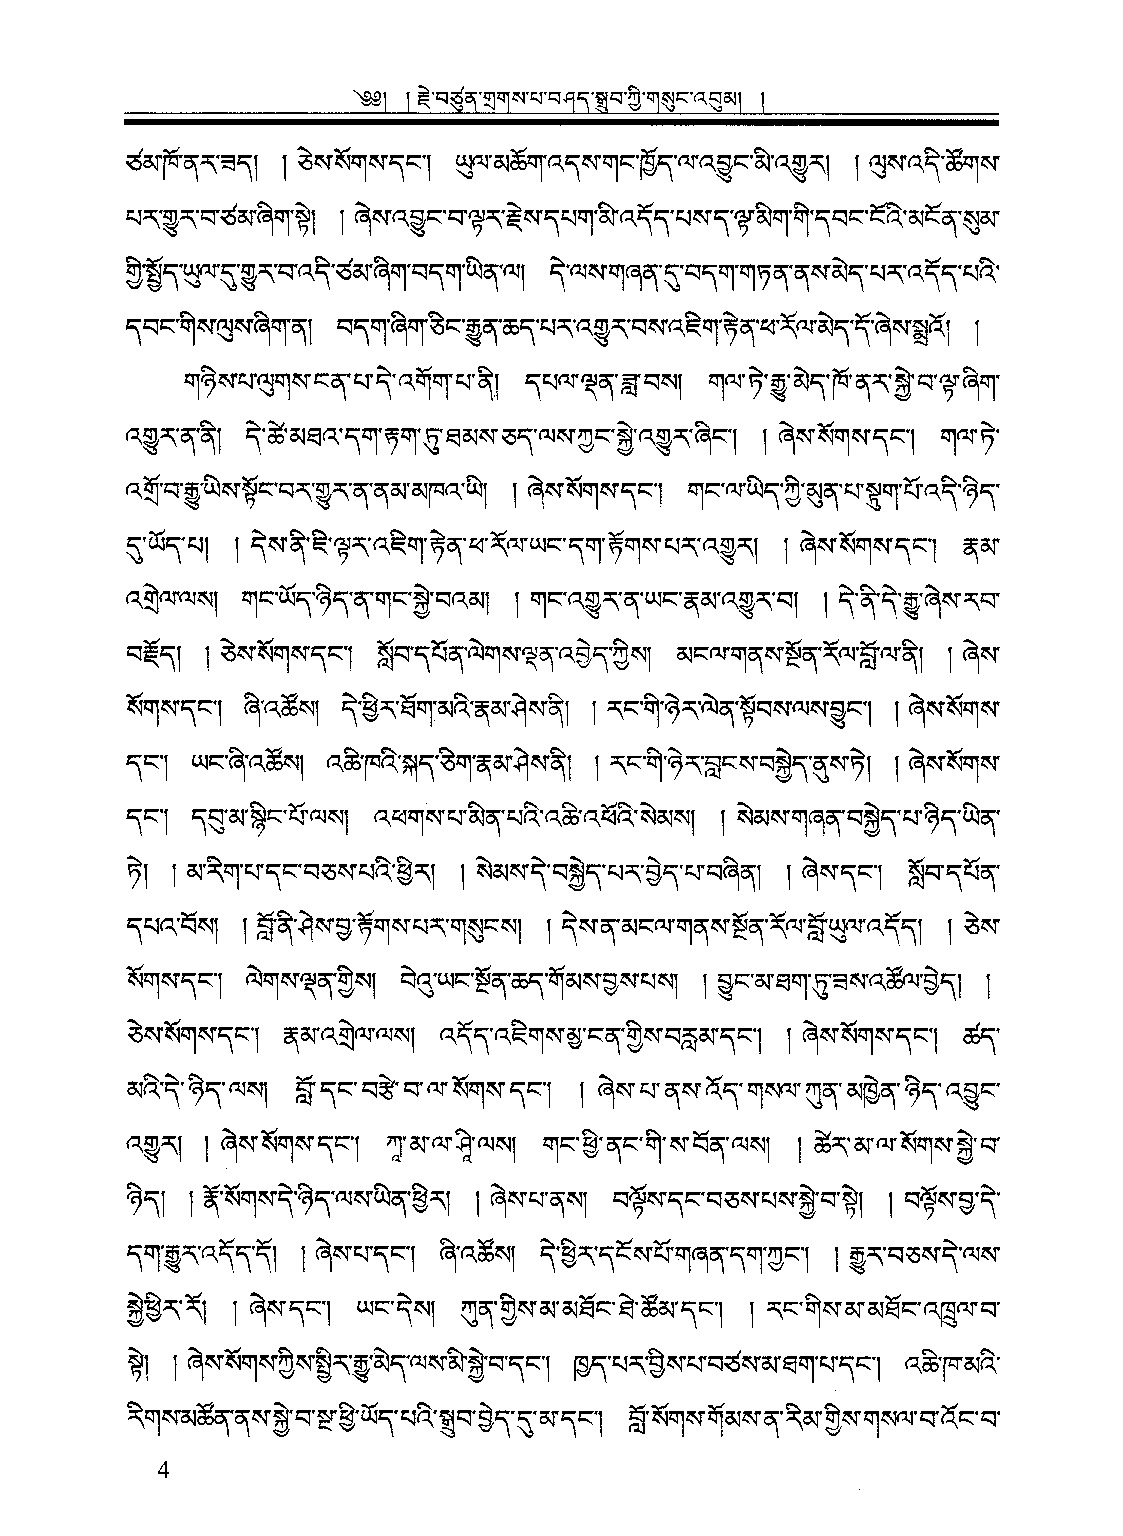ཙམ་ཁོ་ནར་ཟད། །ཅེས་སོགས་དང་། ཡུལ་མཆོག་འདས་གང་ཁྱོད་ལ་འབྱུང་མི་འགྱུར། །ལུས་འདི་ཚོགས་
པར་གྱུར་བ་ཙམ་ཞིག་སྟེ། །ཞེས་འབྱུང་བ་ལྟར་རྗེས་དཔག་མི་འདོད་པས་ད་ལྟ་མིག་གི་དབང་ངོའི་མངོན་སུམ་
གྱི་སྤྱོད་ཡུལ་དུ་གྱུར་བ་འདི་ཙམ་ཞིག་བདག་ཡིན་ལ། དེ་ལས་གཞན་དུ་བདག་གཏན་ནས་མེད་པར་འདོད་པའི་
དབང་གིས་ལུས་ཞིག་ན། བདག་ཞིག་ཅིང་རྒྱུན་ཆད་པར་འགྱུར་བས་འཇིག་རྟེན་ཕ་རོལ་མེད་དོ་ཞེས་སྨྲའོ། །
གཉིས་པ་ལུགས་ངན་པ་དེ་འགོག་པ་ནི། དཔལ་ལྡན་ཟླ་བས། གལ་ཏེ་རྒྱུ་མེད་ཁོ་ནར་སྐྱེ་བ་ལྟ་ཞིག་
འགྱུར་ན་ནི། དེ་ཚེ་མཐའ་དག་རྟག་ཏུ་ཐམས་ཅད་ལས་ཀྱང་སྐྱེ་འགྱུར་ཞིང་། །ཞེས་སོགས་དང་། གལ་ཏེ་
འགྲོ་བ་རྒྱུ་ཡིས་སྟོང་བར་གྱུར་ན་ནམ་མཁའ་ཡི། །ཞེས་སོགས་དང་། གང་ལ་ཡིད་ཀྱི་མུན་པ་སྟུག་པོ་འདི་ཉིད་
དུ་ཡོད་པ། །དེས་ནི་ཇི་ལྟར་འཇིག་རྟེན་ཕ་རོལ་ཡང་དག་རྟོགས་པར་འགྱུར། །ཞེས་སོགས་དང་། རྣམ་
འགྲེལ་ལས། གང་ཡོད་ཉིད་ན་གང་སྐྱེ་བའམ། །གང་འགྱུར་ན་ཡང་རྣམ་འགྱུར་བ། །དེ་ནི་དེ་རྒྱུ་ཞེས་རབ་
བརྗོད། །ཅེས་སོགས་དང་། སློབ་དཔོན་ལེགས་ལྡན་འབྱེད་ཀྱིས། མངལ་གནས་སྔོན་རོལ་བློ་ལ་ནི། །ཞེས་
སོགས་དང་། ཞི་འཚོས། དེ་ཕྱིར་ཐོག་མའི་རྣམ་ཤེས་ནི། །རང་གི་ཉེར་ལེན་སྟོབས་ལས་བྱུང་། །ཞེས་སོགས་
དང་། ཡང་ཞི་འཚོས། འཆི་ཁའི་སྐད་ཅིག་རྣམ་ཤེས་ནི། །རང་གི་ཉེར་བླངས་བསྐྱེད་ནུས་ཏེ། །ཞེས་སོགས་
དང་། དབུ་མ་སྙིང་པོ་ལས། འཕགས་པ་མིན་པའི་འཆི་འཕོའི་སེམས། །སེམས་གཞན་བསྐྱེད་པ་ཉིད་ཡིན་
ཏེ། །མ་རིག་པ་དང་བཅས་པའི་ཕྱིར། །སེམས་དེ་བསྐྱེད་པར་བྱེད་པ་བཞིན། །ཞེས་དང་། སློབ་དཔོན་
དཔའ་བོས། །བློ་ནི་ཤེས་བྱ་རྟོགས་པར་གསུངས། །དེས་ན་མངལ་གནས་སྔོན་རོལ་བློ་ཡུལ་འདོད། །ཅེས་
སོགས་དང་། ལེགས་ལྡན་གྱིས། བེའུ་ཡང་སྔོན་ཆད་གོམས་བྱས་པས། །བྱུང་མ་ཐག་ཏུ་ཟས་འཚོལ་བྱེད། །
ཅེས་སོགས་དང་། རྣམ་འགྲེལ་ལས། འདོད་འཇིགས་མྱ་ངན་གྱིས་བརླམ་དང་། །ཞེས་སོགས་དང་། ཚད་
མའི་དེ་ཉིད་ལས། བློ་དང་བརྩེ་བ་ལ་སོགས་དང་། །ཞེས་པ་ནས་འོད་གསལ་ཀུན་མཁྱེན་ཉིད་འབྱུང་
འགྱུར། །ཞེས་སོགས་དང་། ཀཱ་མ་ལ་ཤཱི་ལས། གང་ཕྱི་ནང་གི་ས་བོན་ལས། །ཚེར་མ་ལ་སོགས་སྐྱེ་བ་
ཉིད། །རྣོ་སོགས་དེ་ཉིད་ལས་ཡིན་ཕྱིར། །ཞེས་པ་ནས། བལྟོས་དང་བཅས་པས་སྐྱེ་བ་སྟེ། །བལྟོས་བྱ་དེ་
དག་རྒྱུར་འདོད་དོ། །ཞེས་པ་དང་། ཞི་འཚོས། དེ་ཕྱིར་དངོས་པོ་གཞན་དག་ཀྱང་། །རྒྱུར་བཅས་དེ་ལས་
སྐྱེ་ཕྱིར་རོ། །ཞེས་དང་། ཡང་དེས། ཀུན་གྱིས་མ་མཐོང་ཐེ་ཚོམ་དང་། །རང་གིས་མ་མཐོང་འཁྲུལ་བ་
སྟེ། །ཞེས་སོགས་ཀྱིས་སྤྱིར་རྒྱུ་མེད་ལས་མི་སྐྱེ་བ་དང་། ཁྱད་པར་བྱིས་པ་བཙས་མ་ཐག་པ་དང་། འཆི་ཁ་མའི་
རིགས་མཚོན་ནས་སྐྱེ་བ་སྔ་ཕྱི་ཡོད་པའི་སྒྲུབ་བྱེད་དུ་མ་དང་། བློ་སོགས་གོམས་ན་རིམ་གྱིས་གསལ་བ་འོང་བ་